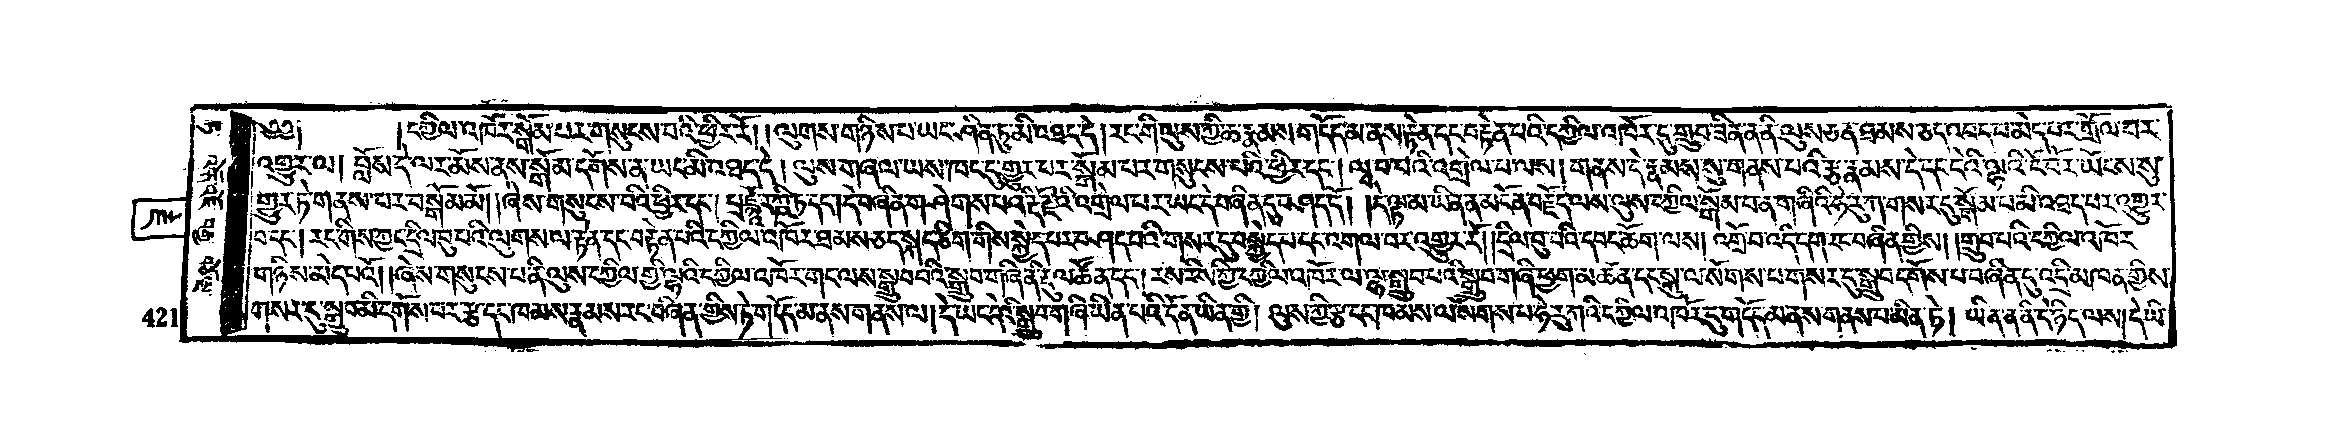༄༅། །དཀྱིལ་འཁོར་སྒོམ་པར་གསུངས་པའི་ཕྱིར་རོ། །ལུགས་གཉིས་པ་ཡང་ཤིན་ཏུ་མི་འཐད་དེ། རང་གི་ལུས་ཀྱི་ཆ་རྣམས་གདོད་མ་ནས་བརྟེན་པའི་དཀྱིལ་འཁོར་དུ་གྲུབ་ཟིན་ན་ནི་ལུས་ཅན་ཐམས་ཅད་འབད་པ་མེད་པར་གྲོལ་བར་
འགྱུར་ལ། བློས་དེ་ལྟར་མོས་ནས་སྒོམ་དགོས་ན་ཡང་མི་འཐད་དེ། ལུས་གཞལ་ཡས་ཁང་དུ་གྱུར་པར་སྒོམ་པར་གསུངས་པའི་ཕྱིར་དང་། ལྭ་བ་པའི་འགྲེལ་པ་ལས། གནས་དེ་རྣམས་སུ་གནས་པའི་རྩ་རྣམས་དེ་དང་ངེའི་ལྷའི་ངོ་བོར་ཡོངས་སུ་
གྱུར་ཏེ་གནས་པར་བསྒོམ་མོ། །ཞེས་གསུངས་པའི་ཕྱིར་དང་། པྲཛྙཱ་རཀྵི་ཏ་དང་། དེ་བཞིན་གཤེགས་པའི་རྡོ་རྗེའི་འགྲེལ་པར་ཡང་དེ་བཞིན་དུ་བཤད་དོ། །དེ་ལྟ་མ་ཡིན་ན་མངོན་བརྗོད་ལས་ལུས་དཀྱིལ་སྒོམ་པ་ན་གཞིའི་ཧེ་རུ་ཀ་གསར་དུ་སྒོམ་པ་མི་འཐད་པར་འགྱུར་
བ་དང་། རང་གིས་ཀྱང་དྲིལ་བུ་པའི་ལུགས་ལ་རྟེན་དང་བརྟེན་པའི་དཀྱིལ་འཁོར་ཐམས་ཅད་སྐད་ཅིག་གིས་སྐྱེད་པར་བཤད་པའི་གསར་དུ་བསྐྱེད་པ་དང་འགལ་བར་འགྱུར་རོ། །དྲིལ་བུ་པའི་དབང་ཆོག་ལས། འགྲོ་བ་འདི་དག་རང་བཞིན་གྱིས། །གྲུབ་པའི་དཀྱིལ་འཁོར་
གཉིས་མེད་པའོ། །ཞེས་གསུངས་པ་ནི་ལུས་དཀྱིལ་གྱི་ལྷའི་དཀྱིལ་འཁོར་གང་ལས་སྒྲུབ་པའི་སྒྲུབ་གཞི་ནི་རྡུལ་ཚོན་དང་། རས་རིས་ཀྱི་དཀྱིལ་འཁོར་ལ་ལྷ་སྒྲུབ་པའི་སྒྲུབ་གཞི་ཕྱག་མཚན་དང་སྐུ་ལ་སོགས་པ་གསར་དུ་སྒྲུབ་དགོས་པ་བཞིན་དུ་འདྲི་མཁན་གྱིས་
གསར་དུ་སྒྲུབ་མི་དགོས་པར་རྩ་དང་ཁམས་རྣམས་རང་བཞིན་གྱིས་ཏེ་གདོད་མ་ནས་གནས་ལ། དེ་ཡང་དེའི་སྒྲུབ་གཞི་ཡིན་པའི་དོན་ཡིན་གྱི། ལུས་ཀྱི་རྩ་དང་ཁམས་ལ་སོགས་པ་ཧེ་རུ་ཀའི་དཀྱིལ་འཁོར་དུ་གདོད་མ་ནས་གནས་པ་མིན་ཏེ། ཡིན་ན་ནི་དེ་ཉིད་ལས་དེ་ཡི་